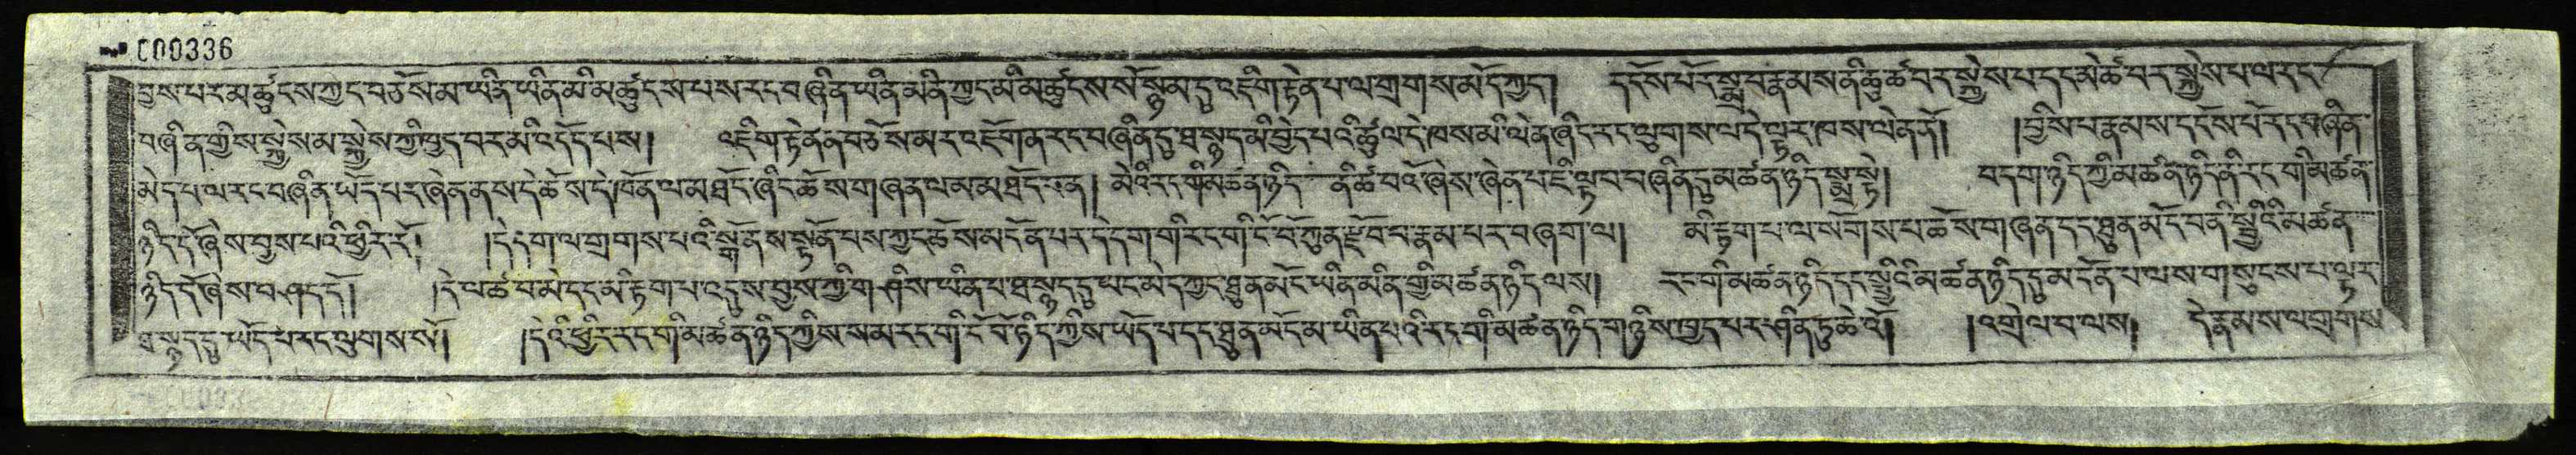བྱས་པར་མཚུངས་ཀྱང་བཅོས་མ་ཡིན་ཡིན་མི་མཚུངས་པས་རང་བཞིན་ཡིན་མིན་ཀྱང་མི་མཚུངས་སོ་སྙམ་དུ་འཇིག་རྟེན་པ་ལ་གྲགས་མོད་ཀྱང་། དངོས་པོར་སྨྲ་བ་རྣམས་ནི་ཆུ་ཚ་བར་སྐྱེས་པ་དང་མེ་ཚ་བར་སྐྱེས་པ་ལ་རང་
བཞིན་གྱིས་སྐྱེས་མ་སྐྱེས་ཀྱི་ཁྱད་པར་མི་འདོད་པས། འཇིག་རྟེན་ན་བཅོས་མར་འཇོག་ན་རང་བཞིན་དུ་ཐ་སྙད་མི་བྱེད་པའི་ཚུལ་དེ་ཁས་མི་ལེན་ཞིང་རང་ལུགས་ལ་དེ་ལྟར་ཁས་ལེན་ནོ། །བྱིས་པ་རྣམས་དངོས་པོ་རང་བཞིན་
མེད་པ་ལ་རང་བཞིན་ཡོད་པར་ཞེན་ནས་དེ་ཆོས་དེ་ཁོ་ན་ལ་མཐོང་ཞིང་ཆོས་གཞན་ལམ་མཐོང་པ་ན། མེའི་རང་གི་མཚན་ཉིད་ནི་ཚ་བའོ་ཞེས་ཞེན་པ་ཇི་ལྟ་བ་བཞིན་དུ་མཚན་ཉིད་སྨྲ་སྟེ། བདག་ཉིད་ཀྱི་མཚན་ཉིད་ནི་རང་གི་མཚན་
ཉིད་དོ་ཞེས་བྱས་པའི་ཕྱིར་རོ། །དེ་དག་ལ་གྲགས་པའི་སྒོ་ནས་སྟོན་པས་ཀྱང་ཆོས་མངོན་པར་དེ་དག་གི་རང་གི་ངོ་བོ་ཀུན་རྫོབ་པ་རྣམ་པར་བཞག་ལ། མི་རྟག་པ་ལ་སོགས་པ་ཆོས་གཞན་དང་ཐུན་མོང་བ་ནི་སྤྱིའི་མཚན་
ཉིད་དོ་ཞེས་བཤད་དོ། །དེ་ལ་ཚ་བ་མེ་དང་མི་རྟག་པ་འདུས་བྱས་ཀྱི་གཤིས་ཡིན་པ་ཐ་སྙད་དུ་ཡང་མེད་ཀྱང་ཐུན་མོང་ཡིན་མིན་གྱི་མཚན་ཉིད་ལས། རང་གི་མཚན་ཉིད་དང་སྤྱིའི་མཚན་ཉིད་དུ་མངོན་པ་ལས་གསུངས་པ་ལྟར་
ཐ་སྙད་དུ་ཡོད་པ་རང་ལུགས་སོ། །དེའི་ཕྱིར་རང་གི་མཚན་ཉིད་ཀྱིས་སམ་རང་གི་ངོ་བོ་ཉིད་ཀྱིས་ཡོད་པ་དང་ཐུན་མོང་མ་ཡིན་པའི་རང་གི་མཚན་ཉིད་གཉིས་ཁྱད་པར་ཤིན་ཏུ་ཆེའོ། །འགྲེལ་བ་ལས། དེ་རྣམས་ལ་གྲགས་